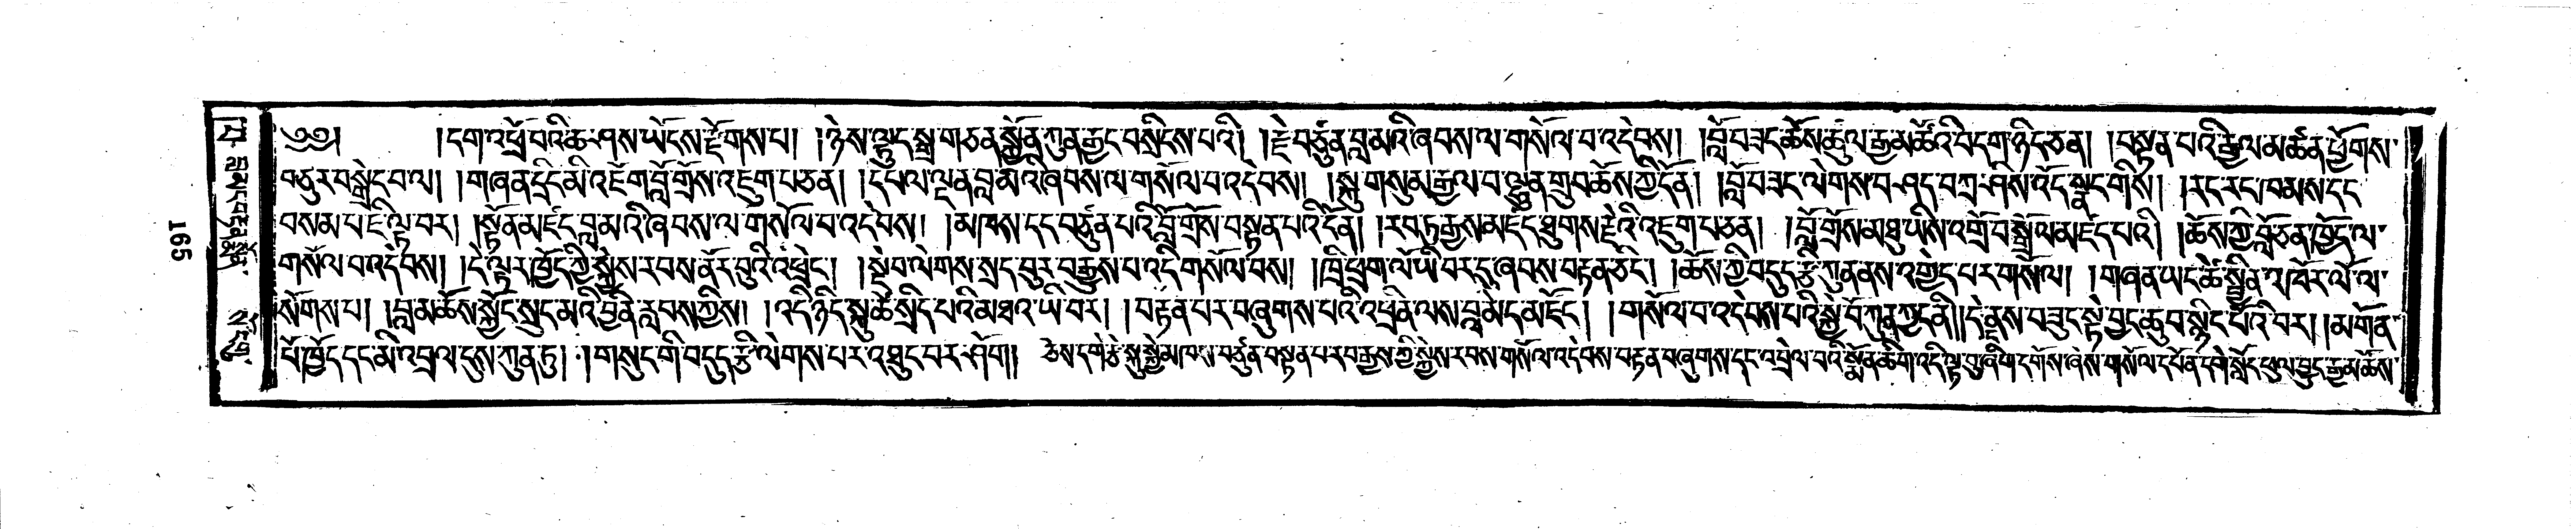༄༅། །དག་འཕྲོ་བའི་ཆ་ཤས་ཡོངས་རྫོགས་པ། །ཉེས་ལྟུད་སྒྲ་གཅན་སྐྱོན་ཀུན་རྒྱང་བསྲིངས་པའི། །རྗེ་བཙུན་བླ་མའི་ཞབས་ལ་གསོལ་བ་འདེབས། །བློ་བཟང་ཆོས་ཚུལ་རྒྱ་མཚོའི་བདག་ཉིད་ཅན། །བསྟན་པའི་རྒྱལ་མཚན་ཕྱོགས་
བཅུར་བསྒྲེང་བ་ལ། །གཞན་དྲིང་མི་འཇོག་བློ་གྲོས་འཇུག་པ་ཅན། །དཔལ་ལྡན་བླ་མའི་ཞབས་ལ་གསོལ་བ་འདེབས། །སྐུ་གསུམ་རྒྱལ་བ་ལྷུན་གྲུབ་ཆོས་ཀྱི་དོན། །བློ་བཟང་ལེགས་བཤད་བཀྲ་ཤིས་འོད་སྣང་གིས། །རང་རང་ཁམས་དང་
བསམ་པ་ཇི་ལྟ་བར། །སྟོན་མཛད་བླ་མའི་ཞབས་ལ་གསོལ་བ་འདེབས། །མཁས་དང་བཙུན་པའི་བློ་གྲོས་བསྟན་པའི་དོན། །རབ་ཏུ་རྒྱས་མཛད་ཐུགས་རྗེའི་འཇུག་པ་ཅན། །བློ་གྲོས་མཐུ་ཡིས་འགྲོ་བ་སྒྲོལ་མཛད་པའི། །ཆོས་ཀྱི་བློ་ཅན་ཁྱོད་ལ་
གསོལ་བ་འདེབས། །དེ་ལྟར་ཁྱོད་ཀྱི་སྐྱེས་རབས་ནོར་བུའི་འཕྲེང་། །སྡེབ་ལེགས་སྲད་བུར་བརྒྱུས་པ་འདི་གསོལ་བས། །ཁྲི་ཕྲག་ལོ་ཡི་བར་དུ་ཞབས་བརྟན་ཅིང་། །ཆོས་ཀྱི་བདུད་རྩི་ཀུན་ནས་འགྱེད་པར་གསོལ། །གཞན་ཡང་ཚེ་སྦྱིན་འཁོར་ལོ་ལ་
སོགས་པ། །བླ་མ་ཆོས་སྐྱོང་སྲུང་མའི་བྱིན་རླབས་ཀྱིས། །འདི་ཉིད་སྐུ་ཚེ་སྲིད་པའི་མཐའ་ཡི་བར། །བརྟན་པར་བཞུགས་པའི་འཕྲིན་ལས་བླ་མེད་མཛོད། །གསོལ་བ་འདེབས་པའི་སྐྱེ་བོ་ཀུན་ཀྱང་ནི། །དེད་ནས་བཟུང་སྟེ་བྱང་ཆུབ་སྙིང་པོའི་བར། །མགོན་
པོ་ཁྱོད་དང་མི་འབྲལ་དུས་ཀུན་ཏུ། །གསུང་གི་བདུད་རྩི་ལེགས་པར་འཐུང་བར་ཤོག། ཅེས་དགེ་རྩེ་སྐུ་སྐྱེ་མཁས་བཙུན་བསྟན་པ་རབ་རྒྱས་ཀྱི་སྐྱེས་རབས་གསོལ་འདེབས་བརྟན་བཞུགས་དང་འབྲེལ་བའི་སྨོན་ཚིག་འདི་ལྟ་བུ་ཞིག་དགོས་ཞེས་གསོལ་དཔོན་དགེ་སློང་ཕུལ་བྱུང་རྒྱ་མཚོས་